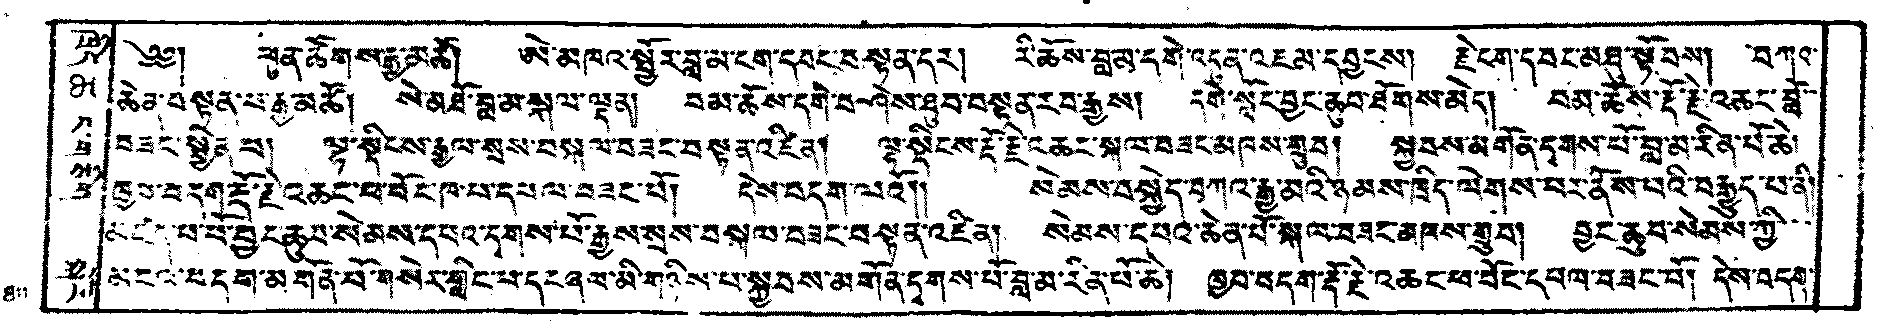༄༅། །ཕུན་ཚོགས་རྒྱ་མཚོ། ཨེ་མཁའ་སྦྱོར་བླ་མ་ངག་དབང་བསྟན་དར། རི་ཆོས་བླ་མ་དགེ་འདུན་འཇམ་དབྱངས། རྗེ་ངག་དབང་མཐུ་སྟོབས། བཀའ་
ཆེན་བསྟན་པ་རྒྱ་མཚོ། སེ་མཐོ་བླ་མ་སྐལ་ལྡན། བམ་ཆོས་དགེ་བཤེས་ཐུབ་བསྟན་རབ་རྒྱས། དགེ་སློང་བྱང་ཆུབ་ཐོགས་མེད། བམ་ཆོས་རྡོ་རྗེ་འཆང་བློ་
བཟང་སྦྱིན་པ། ལྷ་སྡིངས་རྒྱལ་སྲས་བསྐལ་བཟང་བསྟན་འཛིན། ལྷ་སྡིངས་རྡོ་རྗེ་འཆང་སྐལ་བཟང་མཁས་གྲུབ། སྐྱབས་མགོན་དྭགས་པོ་བླ་མ་རིན་པོ་ཆེ།
ཁྱབ་བདག་རྡོ་རྗེ་འཆང་ཕ་བོང་ཁ་པ་དཔལ་བཟང་པོ། དེས་བདག་ལའོ། །སེམས་བསྐྱེད་བཀའ་རྒྱ་མའི་ཉམས་ཁྲིད་ལེགས་པར་ནོས་པའི་བརྒྱུད་པ་ནི།
མཛད་པ་པོ་བྱང་ཆུབ་སེམས་དཔའ་དྭགས་པོ་རྒྱས་སྲས་བསྐལ་བཟང་བསྟན་འཛིན། སེམས་དཔའ་ཆེན་པོ་སྐལ་བཟང་མཁས་གྲུབ། བྱང་ཆུབ་སེམས་ཀྱི་
མངའ་བདག་མགོན་པོ་གསེར་གླིང་པ་དང་ཞལ་མི་གཉིས་པ་སྐྱབས་མགོན་དྭགས་པོ་བླ་མ་རིན་པོ་ཆེ། ཁྱབ་བདག་རྡོ་རྗེ་འཆང་ཕ་བོང་དཔལ་བཟང་པོ། དེས་བདག་